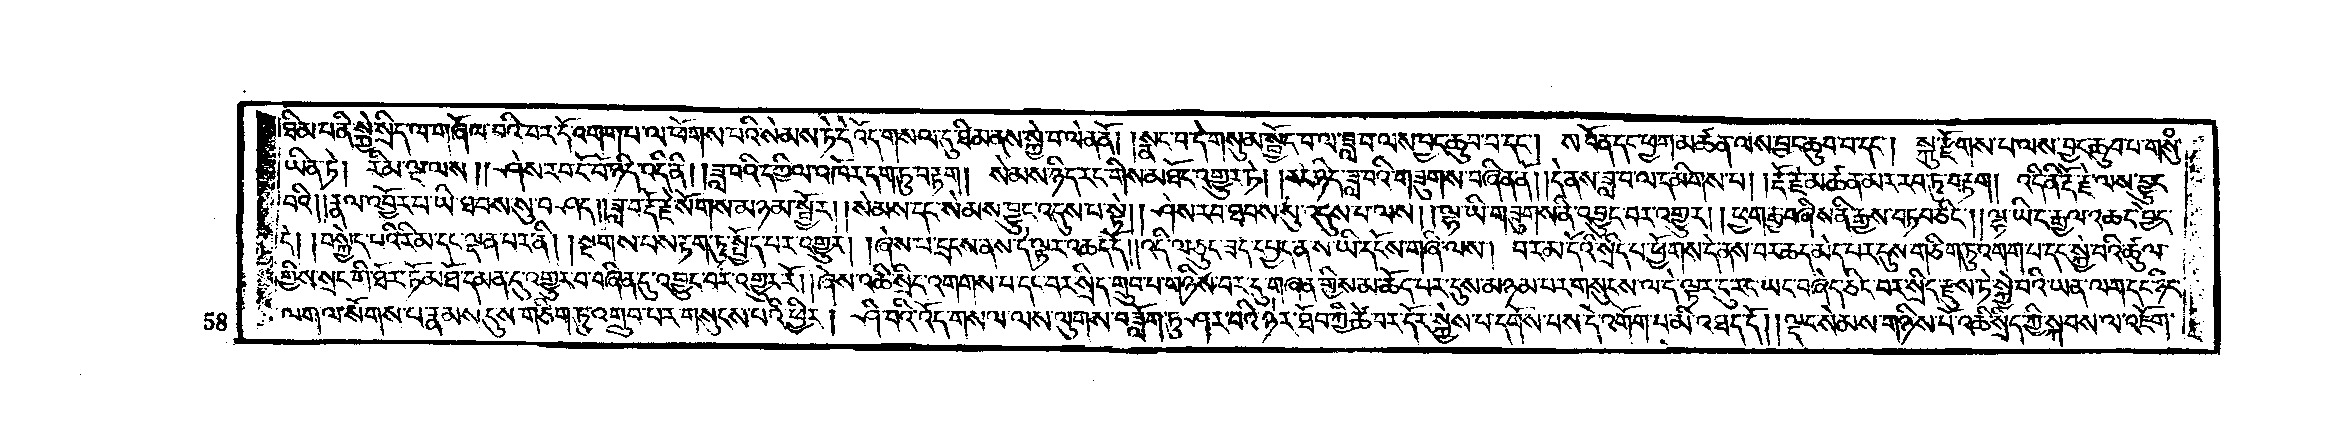ཐིམ་པ་ནི་སྐྱེ་སྲིད་ལ་གཞོལ་བའི་བར་དོ་འགག་པ་ལ་ཕྱོགས་པའི་སེམས་ཏེ་དེ་འོད་གསལ་དུ་ཐིམ་ནས་སྐྱེ་བ་ལེན་ནོ། །སྣང་བ་དེ་གསུམ་སྦྱོང་བ་ལ་ཟླ་བ་ལས་བྱང་ཆུབ་པ་དང་། ས་བོན་དང་ཕྱག་མཚན་ལས་བྱང་ཆུབ་པ་དང་། སྐུ་རྫོགས་པ་ལས་བྱང་ཆུབ་པ་གསུམ་
ཡིན་ཏེ། རིམ་ལྔ་ལས། །ཤེས་རབ་ངོ་བོ་ཉིད་འདི་ནི། །ཟླ་བའི་དཀྱིལ་འཁོར་དག་ཏུ་བརྟག །སེམས་ཉིད་རང་གིས་མཐོང་འགྱུར་ཏེ། །རང་ཉིད་ཟླ་བའི་གཟུགས་བཞིན་ནོ། །དེ་ནས་ཟླ་བ་ལ་དམིགས་པ། །རྡོ་རྗེ་མཚན་མར་རབ་ཏུ་བརྟག །འདི་ནི་རྡོ་རྗེ་ལས་བྱུང་
བའི། །རྣལ་འབྱོར་པ་ཡི་ཐབས་སུ་བཤད། །ཟླ་བ་རྡོ་རྗེ་སོགས་མཉམ་སྦྱོར། །སེམས་དང་སེམས་བྱུང་འདུས་པ་སྟེ། །ཤེས་རབ་ཐབས་སུ་འདུས་པ་ལས། །ལྷ་ཡི་གཟུགས་ནི་འབྱུང་བར་འགྱུར། །ཕྱག་རྒྱ་བཞིས་ནི་རྒྱས་བཏབ་ཅིང་། །ལྷ་ཡི་ང་རྒྱལ་འཆང་བྱེད་
དེ། །བསྐྱེད་པའི་རིམ་དང་ལྡན་པར་ནི། །སྔགས་པས་རྟག་ཏུ་སྤྱོད་པར་འགྱུར། །ཞེས་པ་དྲངས་ནས་དེ་ལྟར་འཆད་དོ། །འདི་ལ་ཅུང་ཟད་དཔྱད་ན་ས་ཡི་དངོས་གཞི་ལས། བར་མ་དོའི་སྲིད་པ་ཕྱོགས་དེ་ནས་བར་ཆད་མེད་པར་དུས་གཅིག་ཏུ་འགག་པ་དང་སྐྱེ་བའི་ཚུལ་
གྱིས་སྲང་གི་ཐོར་ཏོ་མཐོ་དམན་དུ་འགྱུར་བ་བཞིན་དུ་འབྱུང་བར་འགྱུར་རོ། །ཞེས་འཆི་སྲིད་འགགས་པ་དང་བར་སྲིད་གྲུབ་པ་གཉིས་བར་དུ་གཞན་གྱིས་མཆོད་པར་དུས་མཉམ་པར་གསུངས་ལ་དེ་ལྟར་དུ་རང་ཡང་བཞེད་ཅིང་བར་སྲིད་རྫུས་ཏེ་སྐྱེ་བའི་ཡན་ལག་དང་ཉིང་
ལག་ལ་སོགས་པ་རྣམས་དུས་གཅིག་ཏུ་འགྲུབ་པར་གསུངས་པའི་ཕྱིར། ཤི་བའི་འོད་གསལ་ལས་ལུགས་བཟློག་ཏུ་ཤར་བའི་ཉེར་ཐོབ་ཀྱི་ཚེ་བར་དོར་སྐྱེས་པ་དགོས་པས་དེ་འགོག་པ་མི་འཐད་དོ། །ལྡང་སེམས་གཉིས་པོ་འཆི་སྲིད་ཀྱི་སྐབས་ལ་འཇོག་